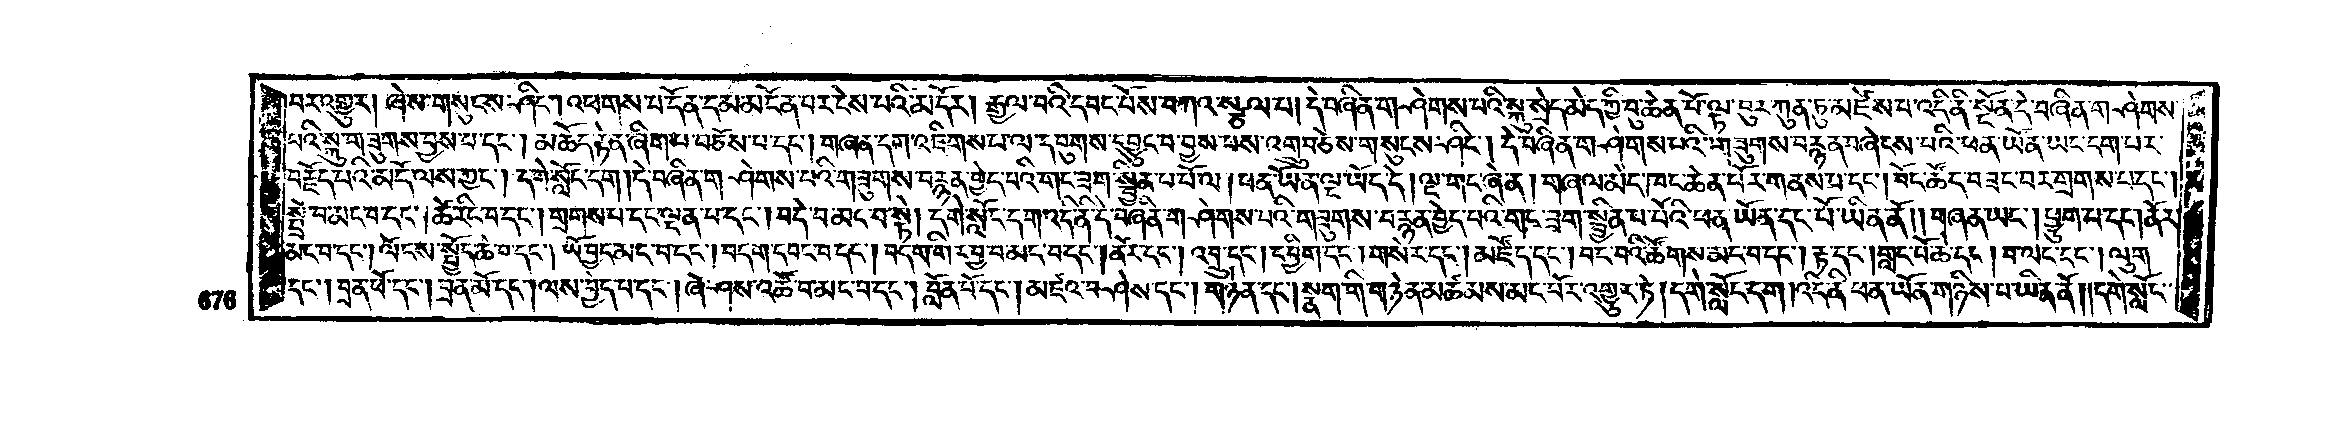བར་འགྱུར། ཞེས་གསུངས་ཤིང་། འཕགས་པ་དོན་དམ་མངོན་པར་ངེས་པའི་མདོར། རྒྱལ་བའི་དབང་པོས་བཀའ་སྩལ་པ། དེ་བཞིན་གཤེགས་པའི་སྐུ་སྲེད་མེད་ཀྱི་བུ་ཆེན་པོ་ལྟ་བུར་ཀུན་ཏུ་མཛེས་པ་འདི་ནི་སྔོན་དེ་བཞིན་གཤེགས་
པའི་སྐུ་གཟུགས་བྱས་པ་དང་། མཆོད་རྟེན་ཞིག་པ་བཅོས་པ་དང་། གཞན་དག་འཇིགས་པ་ལ་དབུགས་དབྱུང་བ་བྱས་པས་འགྲུབ་ཅེས་གསུངས་ཤིང་། དེ་བཞིན་གཤེགས་པའི་གཟུགས་བརྙན་བཞེངས་པའི་ཕན་ཡོན་ཡང་དག་པར་
བརྗོད་པའི་མདོ་ལས་ཀྱང་། དགེ་སློང་དག །དེ་བཞིན་གཤེགས་པའི་གཟུགས་བརྙན་བྱེད་པའི་གང་ཟག་སྦྱིན་པ་པོ་ལ། ཕན་ཡོན་ལྔ་ཡོད་དོ། ལྔ་གང་ཞེ་ན། གཞལ་མེད་ཁང་ཆེན་པོར་གནས་པ་དང་། བོང་ཚོད་བཟང་བར་གྲགས་པ་དང་།
སྤྲོ་བ་མང་བ་དང་། ཚེ་རིང་བ་དང་། གྲགས་པ་དང་ལྡན་པ་དང་། བདེ་བ་མང་བ་སྟེ། དགེ་སློང་དག་འདི་ནི་དེ་བཞིན་གཤེགས་པའི་གཟུགས་བརྙན་བྱེད་པའི་གང་ཟག་སྦྱིན་པ་པོའི་ཕན་ཡོན་དང་པོ་ཡིན་ནོ། །གཞན་ཡང་། ཕྱུག་པ་དང་། ནོར་
མང་བ་དང་། ལོངས་སྤྱོད་ཆེ་བ་དང་། ཡོ་བྱད་མང་བ་དང་། བདག་དབང་བ་དང་། བདག་གིར་བྱ་བ་མང་བ་དང་། ནོར་དང་། འབྲུ་དང་། དབྱིག་དང་། གསེར་དང་། མཛོད་དང་། བང་བའི་ཚོགས་མང་བ་དང་། རྟ་དང་། གླང་པོ་ཆེ་དང་། བ་ལང་དང་། ལུག་
དང་། བྲན་ཕོ་དང་། བྲན་མོ་དང་། ལས་བྱེད་པ་དང་། ཞེ་ཤས་འཚོ་བ་མང་བ་དང་། བློན་པོ་དང་། མཛའ་བཤེས་དང་། གཉེན་དང་། སྣག་གི་གཉེན་མཚམས་མང་པོར་འགྱུར་ཏེ། དགེ་སློང་དག །འདི་ནི་ཕན་ཡོན་གཉིས་པ་ཡིན་ནོ། །དགེ་སློང་